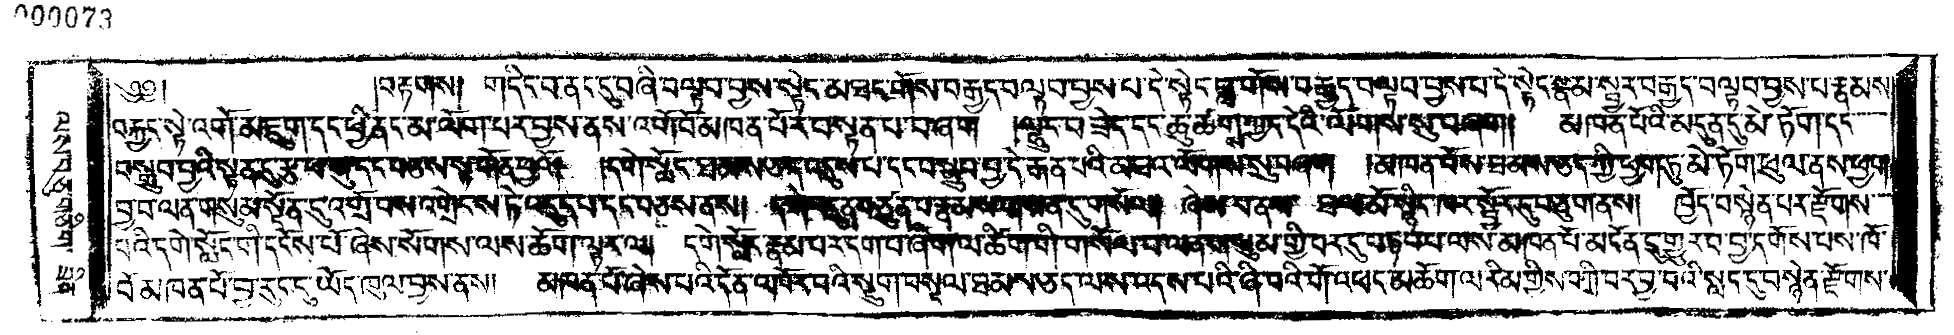༄༅། །བརྟགས། གདིང་བ་ནང་དུ་བཞི་བལྟབ་བྱས་སྟེང་མཐང་གོས་བརྒྱད་བལྟབ་བྱས་པ་དེ་སྟེང་བླ་གོས་བརྒྱད་བལྟབ་བྱས་པ་དེ་སྟེང་རྣམ་སྦྱར་བརྒྱད་བལྟབ་བྱས་པ་རྣམས་
བརྐྱང་སྟེ་འགོ་མཇུག་དང་ཕྱི་ནང་མ་ལོག་པར་བྱས་ནས་འགོ་བོ་མཁན་པོར་བསྟན་པ་བཞག །ལྷུང་བཟེད་དང་ཆུ་ཚགས་ཀྱང་དེའི་ལོགས་སུ་བཞག །མཁན་པོའི་མདུན་དུ་མེ་ཏོག་དང་
བསྒྲུབ་བྱའི་སྟན་དུ་རྩ་ཕ་གུ་དང་བཅས་སྟ་གོན་བྱའོ། །དགེ་སློང་ཐམས་ཅད་འདུས་པ་དང་བསྒྲུབ་བྱ་དེ་རྒན་པའི་མཐའ་ལོགས་སུ་བཞག །མཁན་པོས་ཐམས་ཅད་ཀྱི་ཕྱག་ཏུ་མེ་ཏོག་ཕུལ་ནས་ཕྱག་
བྱ་བ་ལན་གསུམ་སྔོན་དུ་འགྲོ་བས་འགྲེངས་ཏེ་འདུད་པ་དང་བཅས་ནས། དགེ་འདུན་བཙུན་པ་རྣམས་གསན་དུ་གསོལ། ཞེས་པ་ནས་ཐལ་མོ་སྙིང་ཁར་སྦྱོར་དུ་བཅུག་ནས། ཁྱོད་བསྙེན་པར་རྫོགས་
པའི་དགེ་སློང་གི་དངོས་པོ་ཞེས་སོགས་ལས་ཆོག་ལྟར་ལ། དགེ་སློང་རྣམ་པར་དག་པ་ཞིག་ལ་ཚིག་གི་གསོལ་བ་ལན་གསུམ་གྱི་བར་དུ་བཏབ་པ་ལས་མཁན་པོ་མངོན་དུ་གྱུར་བ་བྱ་དགོས་པས་ཁོ་
བོ་མཁན་པོ་བྱ་རུང་དུ་ཡོད་ཁུལ་བྱས་ནས། མཁན་པོ་ཞེས་པའི་དོན་འཁོར་བའི་སྡུག་བསྔལ་ཐམས་ཅད་ལས་འདས་པའི་ཞི་བའི་གོ་འཕང་མཆོག་ལ་རིམ་གྱིས་བཀྲི་བར་བྱ་བའི་སླད་དུ་བསྙེན་རྫོགས་